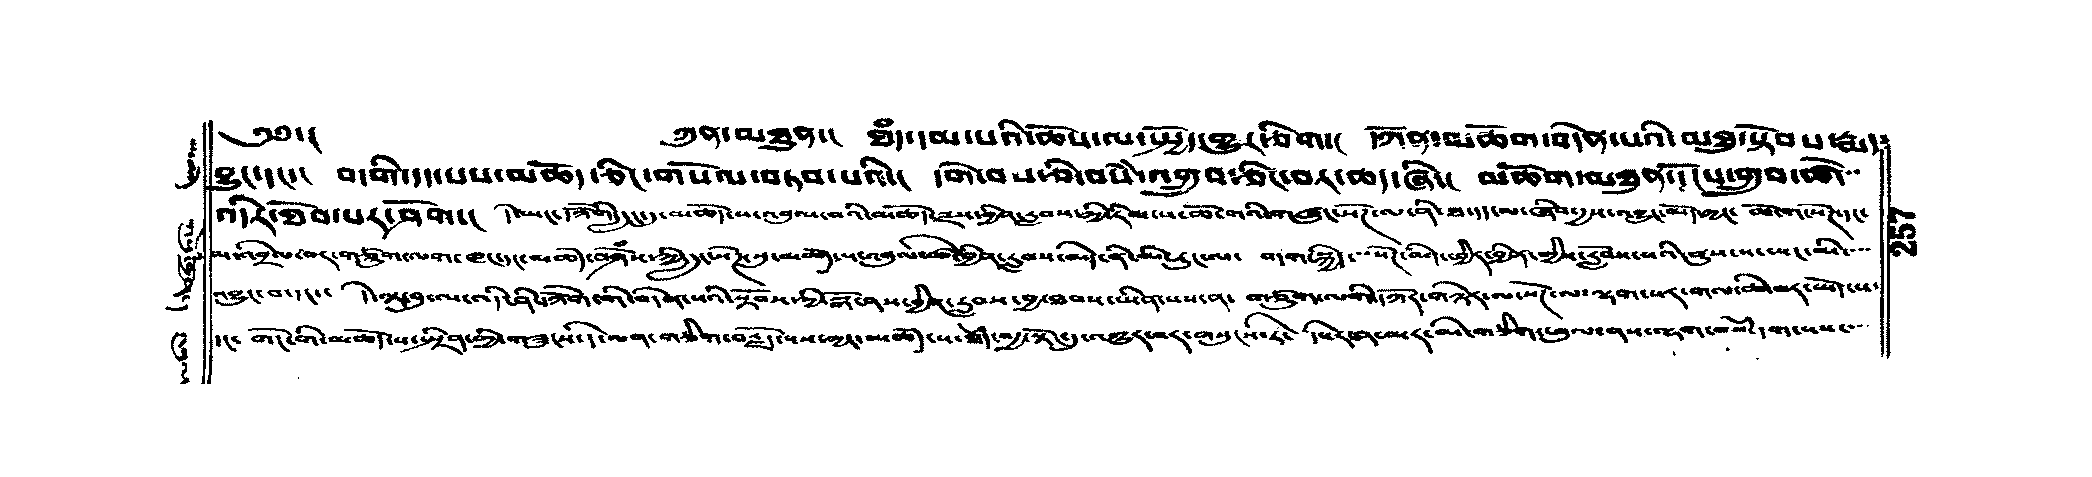ཀུན་མཐུན། །ཐམས་ཅད་དམ་པའི་ཆོས་ལ་སྤྱོད་གྱུར་ཅིག་དཀོན་མཆོག་བདེན་པའི་མཐུ་སྟོབས་རྨད་
བྱུང་དང་། །བདག་གི་དད་པས་མཆོད་ཅིང་གསོལ་བཏབ་པའི། །དགེ་བས་ཅི་བསམ་འགྲུབ་ཅིང་བར་ཆད་ཞི། །མཆོག་ཐུན་དངོས་གྲུབ་ཚེ་
འདིར་ཐོབ་པར་ཤོག་དེ་ཡང་དཀོན་མཆོག་གི་དྲུང་དུ་མཆོད་པ་འབུལ་བའི་མཆོད་རྫས་བྱིན་རླབས་ཀྱི་རིམ་པ་ཆོ་གའི་གཞུང་སོགས་ལ་ནི་ཐ་དད་ལ་ཞིབ་རྒྱས་འབྱུང་མོད་ཀྱང་། ཆོ་ག་སོགས་དང་
མ་འབྲེལ་བར་གཙུག་ལག་ཁང་དང་མཆོད་བཤམ་ཀྱི་དྲུང་སོགས་སུ་མཆོད་པ་འབུལ་ཚེ་བྱིན་རླབས་མེད་ནི་མེད་རུང་ལ། བདག་བསྐྱེད་སོགས་མེད་ཕྱིར་བྱིན་གྱིས་རློབས་པའི་ནུས་པ་ཡང་
མི་འབྱུང་བ་དང་། དེ་ལྟ་བུ་ལ་འདི་ནི་དཀོན་མཆོག་གི་བདེན་པའི་སྟོབས་ཀྱི་སྒོ་ནས་བྱིན་རླབས་ཡིན་པས་ན། གཙུག་ལག་གི་དཀོར་གཉེར་ལ་སོགས་ལ་ལྷག་པར་གལ་ཆེ་བར་ཡོད་པ་
དང་། གོང་གི་མཆོད་པ་སྤྲིན་གྱི་གཟུངས་དེ་ལན་གཅིག་བརྗོད་པས་ཀྱང་མཆོད་པ་ཐམས་ཅད་བརྒྱ་སྟོང་དུ་འགྱུར་བར་གསུངས་ཏེ། དཔེར་ན་མར་མེ་གཅིག་ཕུལ་ནས་ལྷག་བསམ་དག་པས་